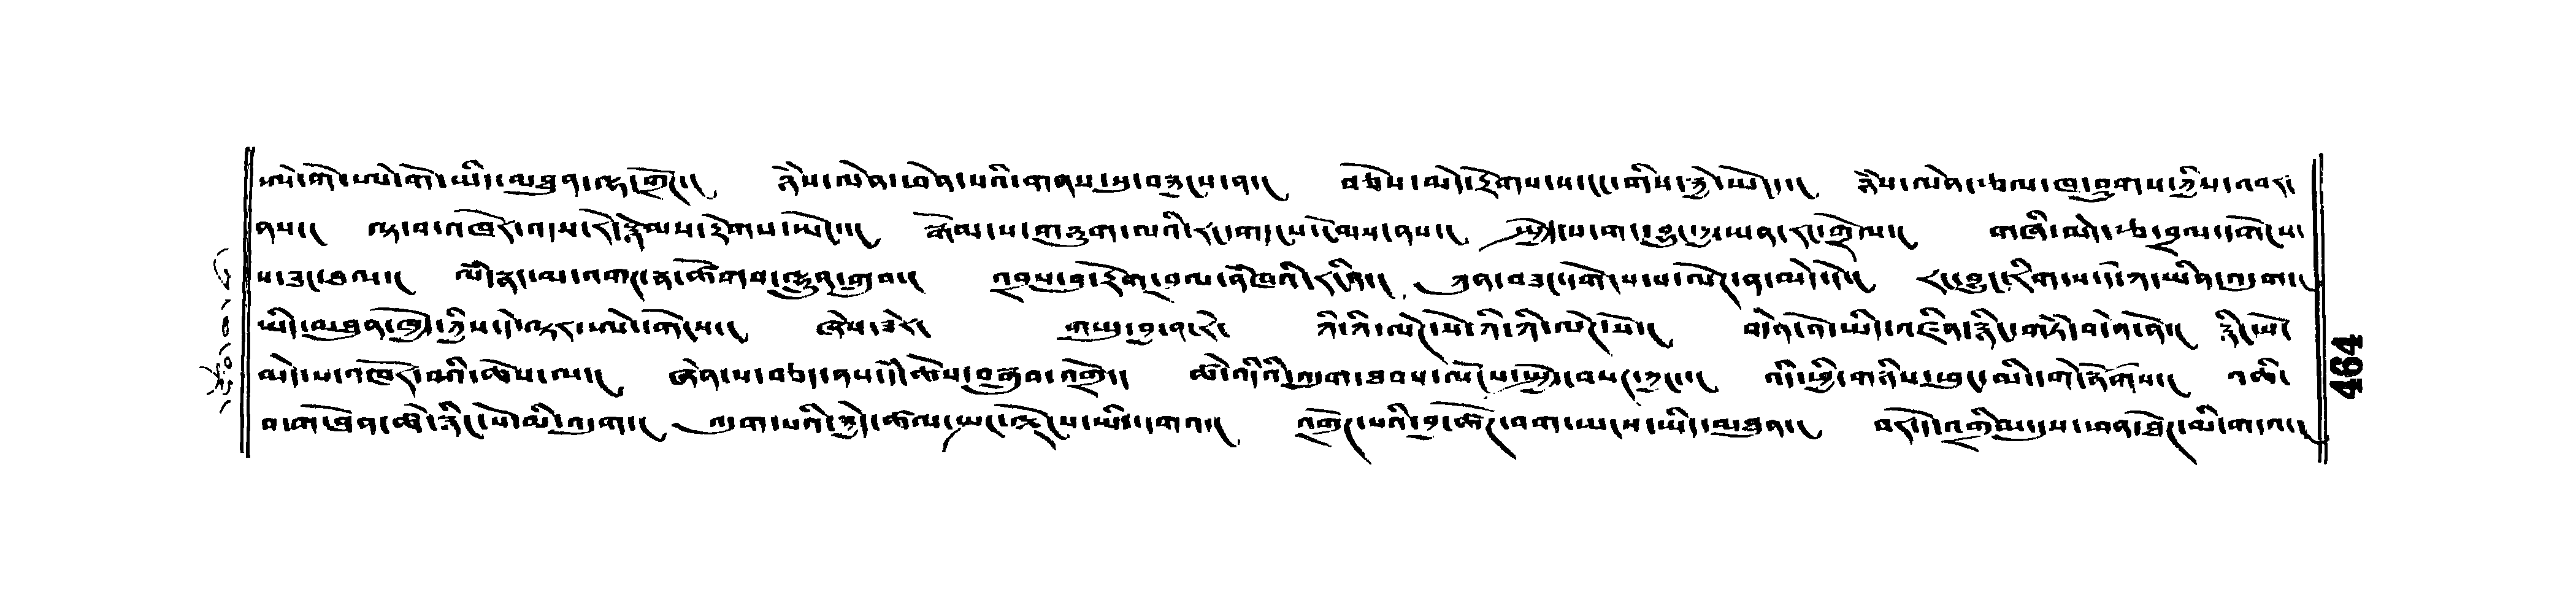།ཨེ་གོ་ཨེ་གོ་ཡིད་མཐུན་ལྷ་གྲོགས། །ཉམས་ལེན་དབེན་པའི་གནས་སུ་བསྐྱངས་ན། །བཅོས་མེད་རྟོགས་པ་ངང་གིས་སྐྱེ་ཡོང་། །ཉམས་ལེན་རྩལ་ཁ་ཤུགས་ཀྱིས་འབར་
ནས། །ལྟ་བ་འཁོར་འདས་རོ་སྙོམས་རྟོགས་ཡོང་། །སྒོམ་པ་གཉུག་མའི་རང་གདངས་ངོམས་ནས། །སྤྱོད་པ་གང་བྱུང་རྒྱ་ཡན་རང་གྲོལ། །གཞི་མེད་རྩ་བྲལ་དགོངས་
པ་ཟང་ཐལ། །ལམ་སྣང་མ་འགགས་སྣ་ཚོགས་ལྷུན་གྲུབ། །འབྲས་བུ་རྟོག་བྲལ་ནམ་མཁའི་རང་བཞིན། །ཀུན་བཟང་དགོངས་པ་ལོགས་ན་མེད་དོ། །རང་བྱུང་རིག་པ་དེ་ཀ་ཡིན་འདུག །
ཡིད་མཐུན་ཁྱོད་ཀྱིས་དེ་ལྟར་ཨེ་དགོངས། ཞེས་ཟེར། གཡུ་བྱ་ན་རེ། ཀི་ཀི་ལེགས་སོ་ཀི་ཀི་ལེགས་སོ། །བདེན་ནོ་ཡིད་འཛིན་སྙིང་གཏམ་བདེན་ནོ། །སྙིང་པོ་
མེད་པ་འཁོར་བའི་ཆོས་ལ། །ཞེན་པ་བཅད་ནས་དམ་ཆོས་བསྒྲུབ་འགྲོ། །ཚེ་འདིའི་འདུག་ཐབས་ལོངས་སྤྱོད་བསགས་ཀྱང་། །འདི་ཕྱི་གཉིས་ཕུང་མི་དགེ་སྣ་ཚོགས། །འཆི་
བདག་ཐོན་ཚེ་སྙིང་པོ་མི་འདུག།འདུག་སའི་སྐྱེད་ཚལ་སྤང་ལྗོངས་ཡིད་དགའ། །འགྲོགས་པའི་བྱ་ཚོགས་བག་ཡངས་ཡིད་མཐུན། །བར་དོ་འགྲིམ་དུས་ཕན་ཐོགས་མི་གདའ།